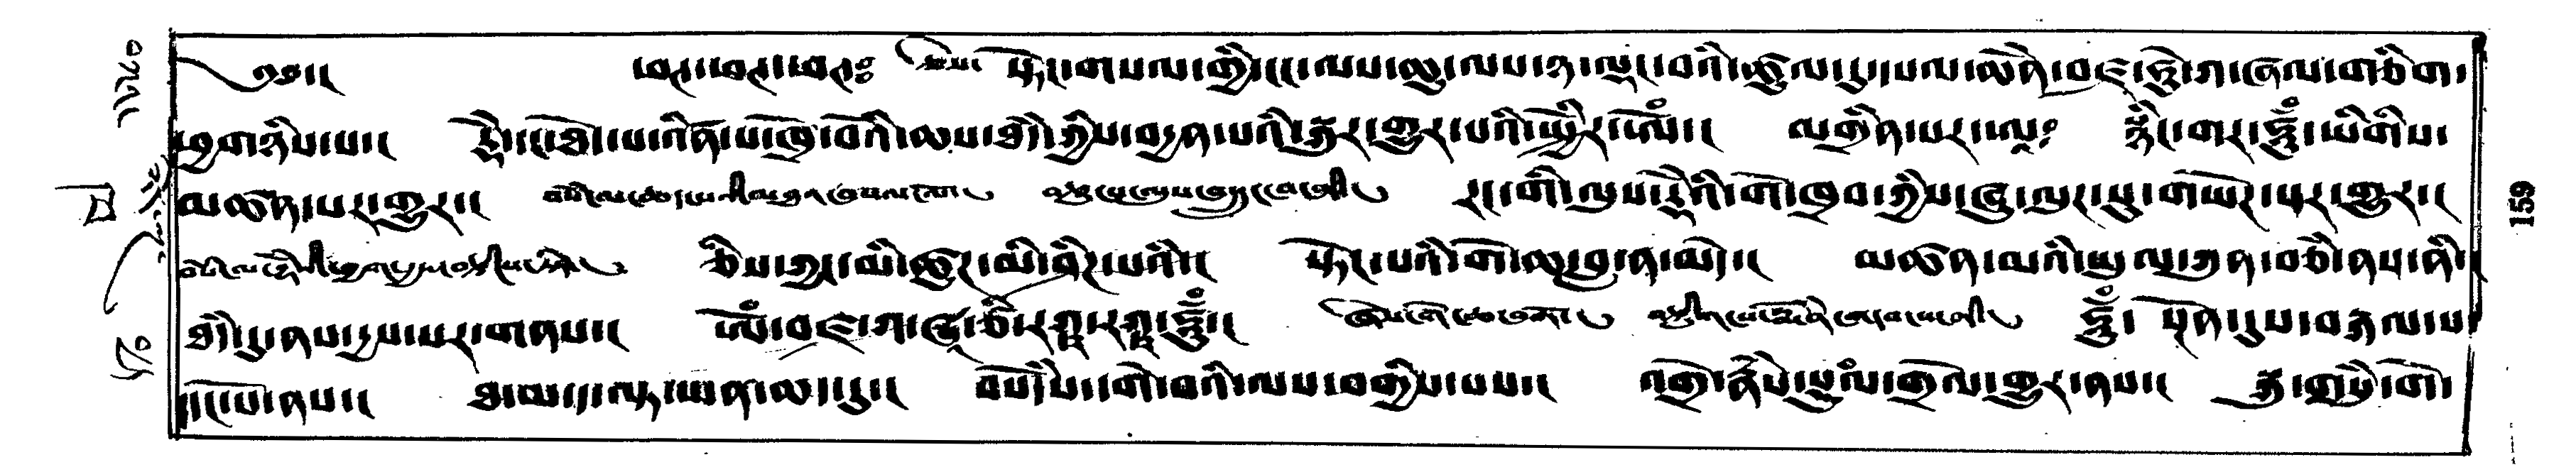ཕཊ་ཕཊ་ཕཊཿ ཅེས། སྟོང་གསལ་གྱི་ངང་ལས་ཆུ་ལས་ཉ་ལྡང་བའི་ཚུལ་དུ་དཔལ་ཆེན་པོ་བཛྲ་ཧེ་རུ་ཀ་ཞལ་གཅིག་
ཕྱག་གཉིས་པ། རྡོ་རྗེ་དང་ཐོད་པ་འཛིན་པ་ཁྲོ་བོའི་ཆས་ཐམས་ཅད་ཀྱིས་བརྒྱན་པའི་སྐུར་གྱུར་པའི་སྤྱི་བོར་ཨོཾ། མགྲིན་པར་ཨཱཿ སྙིང་གར་ཧཱུྃ་ཡིག་གིས་
མཚན་པར་གྱུར། བསམ་ལ་ཆད་པའི་མཐའ་བསལ་ལོ།། བཅུ་པ་ལུས་བསྲུང་བ་ནི། རང་གི་ལུས་རྡོ་རྗེའི་གོ་ཁྲབ་ཀྱིས་ཞུ་ལུགས་སུ་གཡོགས་པར་གྱུར། 
བསམ་ལ་རྡོ་རྗེའི་ཕྱག་རྒྱས་བཅིངས་ཏེ། ཅིས་ཀྱང་མི་ཚུགས་མི་ཤིགས་པའི། །སྟོང་པའི་གོ་ཆ་བླ་ན་མེད། མཚན་མའི་ཡུལ་ཀུན་བཅོམ་ནས་ནི། །
ཐམས་ཅད་དུ་ནས་རྒྱས་པར་གནས། །ཨོཾ་བཛྲ་ཀ་ཝཱ་ཙི་རཀྵ་རཀྵ་ཧཱུྃ། ཞེས་གོ་ཆ་བགོ བཅུ་གཅིག་པ་སྨོན་ལམ་གདབ་པ་ནི། ཧཱུྃ། སྔོན་དུས་བསྐལ་པ་
དང་པོ་ནས། །མཐའ་མ་ད་ལྟ་ཡན་ཆད་དུ། །བསོད་ནམས་དགེ་བའི་ལས་བགྱིས་པས། །འགྲོ་རྣམས་སྡུག་བསྔལ་གྲོལ་གྱུར་ནས། །སྐུ་གསུམ་གོ་